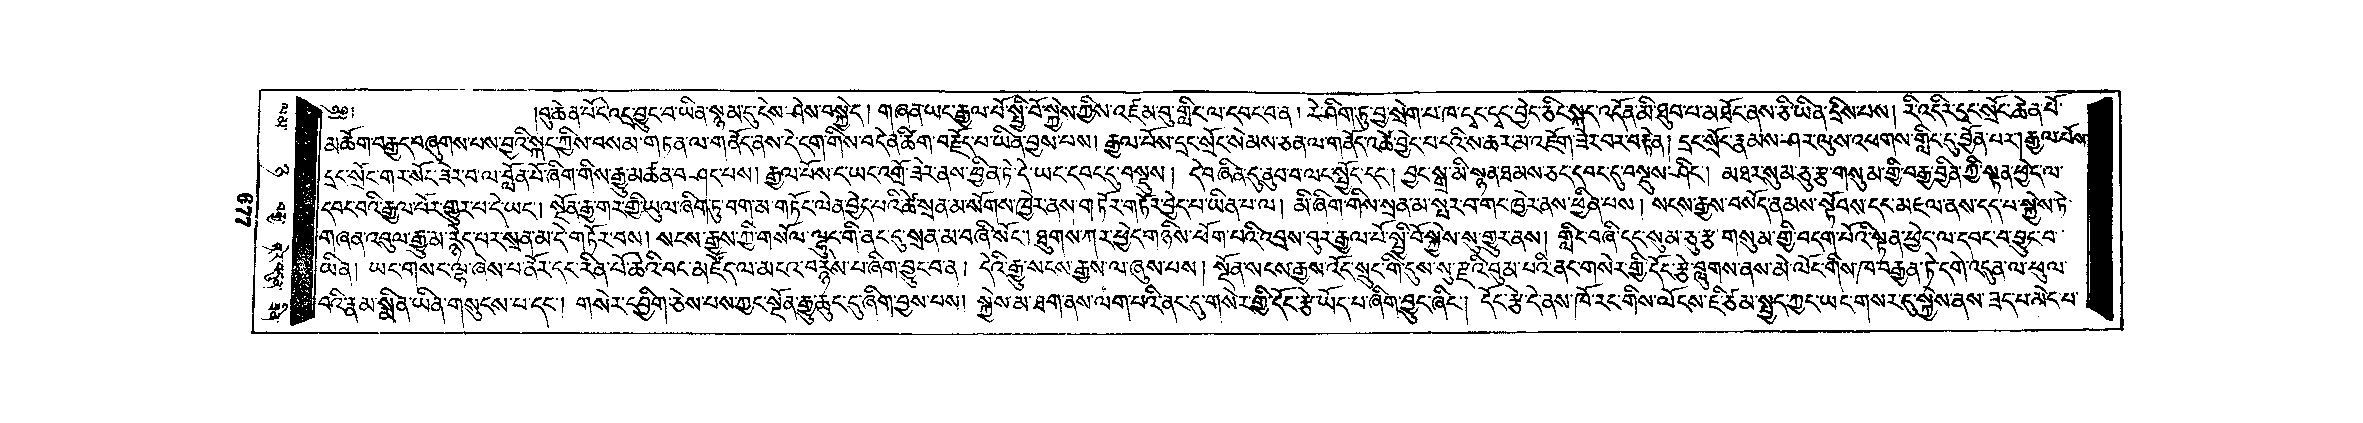༄༅། །བུ་ཆེན་པོ་ངེ་འདྲ་བྱུང་བ་ཡིན་སྙམ་དུ་ངེས་ཤེས་བསྐྱེད། གཞན་ཡང་རྒྱལ་པོ་སྤྱི་བོ་སྐྱེས་ཀྱིས་འཛམ་བུ་གླིང་ལ་དབང་བ་ན། རེ་ཤིག་ཏུ་བྱ་སྲེག་པ་ཁ་དྭང་དྭང་བྱེད་ཅིང་སྐད་འདོན་མི་ཐུབ་པ་མཐོང་ནས་ཅི་ཡིན་དྲིས་པས། རི་འདིར་དྭང་སྲོང་ཆེན་པོ་
མཆོག་བརྒྱད་བཞུགས་པས་བྱའི་སྐད་ཀྱིས་བསམ་གཏན་ལ་གནོད་ནས་དེ་དག་གིས་བདེན་ཚིག་བརྗོད་པ་ཡིན་བྱས་པས། རྒྱལ་པོས་དྲང་སྲོང་སེམས་ཅན་ལ་གནོད་འཚེ་བྱེད་པ་དའི་ས་ཆར་མ་འཇོག་ཟེར་བར་བརྟེན། དྲང་སྲོང་རྣམས་ཤར་ལུས་འཕགས་གླིང་དུ་བྱོན་པར། རྒྱལ་པོས་
དྲང་སྲོང་གར་སོང་ཟེར་བ་ལ་བློན་པོ་ཞིག་གིས་རྒྱུ་མཚན་བཤད་པས། རྒྱལ་པོས་ད་ཡང་འགྲོ་ཟེར་ནས་ཕྱིན་ཏེ་དེ་ཡང་དབང་དུ་བསྡུས། དེ་བཞིན་དུ་ནུབ་བ་ལང་སྤྱོད་དང་། བྱང་སྒྲ་མི་སྙན་ཐམས་ཅད་དབང་དུ་བསྡུས་ཤིང་། མཐར་སུམ་ཅུ་རྩ་གསུམ་གྱི་བརྒྱ་བྱིན་ཀྱི་སྟན་ཕྱེད་ལ་
དབང་པའི་རྒྱལ་པོར་གྱུར་པ་དེ་ཡང་། སྔོན་རྒྱ་གར་གྱི་ཡུལ་ཞིག་ཏུ་བག་མ་གཏོང་ལེན་བྱེད་པའི་ཚེ་སྲན་མ་སོགས་ཁྱེར་ནས་གཏོར་གཏོར་བྱེད་པ་ཡིན་པ་ལ། མི་ཞིག་གིས་སྲན་མ་སྤར་བ་གང་ཁྱེར་ནས་ཕྱིན་པས། སངས་རྒྱས་བསོད་ནམས་སྟོབས་དང་མཇལ་ནས་དད་པ་སྐྱེས་ཏེ་
གཞན་འབུལ་རྒྱུ་མ་རྙེད་པར་སྲན་མ་དེ་གཏོར་བས། སངས་རྒྱས་ཀྱི་གསོལ་ལྷུང་གི་ནང་དུ་སྲན་མ་བཞི་སོང་། ཐུགས་ཀར་ཕྱེད་གཉིས་ཕོག་པའི་འབྲས་བུར་རྒྱལ་པོ་སྤྱི་བོ་སྐྱེས་སུ་གྱུར་ནས། གླིང་བཞི་དང་སུམ་ཅུ་རྩ་གསུམ་གྱི་བདག་པོའི་སྟན་ཕྱེད་ལ་དབང་བ་བྱུང་བ་
ཡིན། ཡང་གསང་ལྷ་ཞེས་པ་ནོར་དང་རིན་པོ་ཆེའི་བང་མཛོད་ལ་མངའ་བརྙེས་པ་ཞིག་བྱུང་བ་ན། དེའི་རྒྱུ་སངས་རྒྱས་ལ་ཞུས་པས། སྔོན་སངས་རྒྱས་འོད་སྲུང་གི་དུས་སུ་རྫའི་བུམ་པའི་ནང་གསེར་གྱི་དོང་རྩེ་བླུགས་ནས་མེ་ལོང་གིས་ཁ་བརྒྱན་ཏེ་དགེ་འདུན་ལ་ཕུལ་
བའི་རྣམ་སྨིན་ཡིན་གསུངས་པ་དང་། གསེར་དབྱིག་ཅེས་པས་ཀྱང་སྔོན་རྒྱུ་ཆུང་དུ་ཞིག་བྱས་པས། སྐྱེས་མ་ཐག་ནས་ལག་པའི་ནང་དུ་གསེར་གྱི་དོང་རྩེ་ཡོད་པ་ཞིག་བྱུང་ཞིང་། དོང་རྩེ་དེ་ནས་ཁོ་རང་གིས་ལོངས་ཇི་ཙམ་སྤྱད་ཀྱང་ཡང་གསར་དུ་སྐྱེས་ནས་ཟད་པ་མེད་པ་